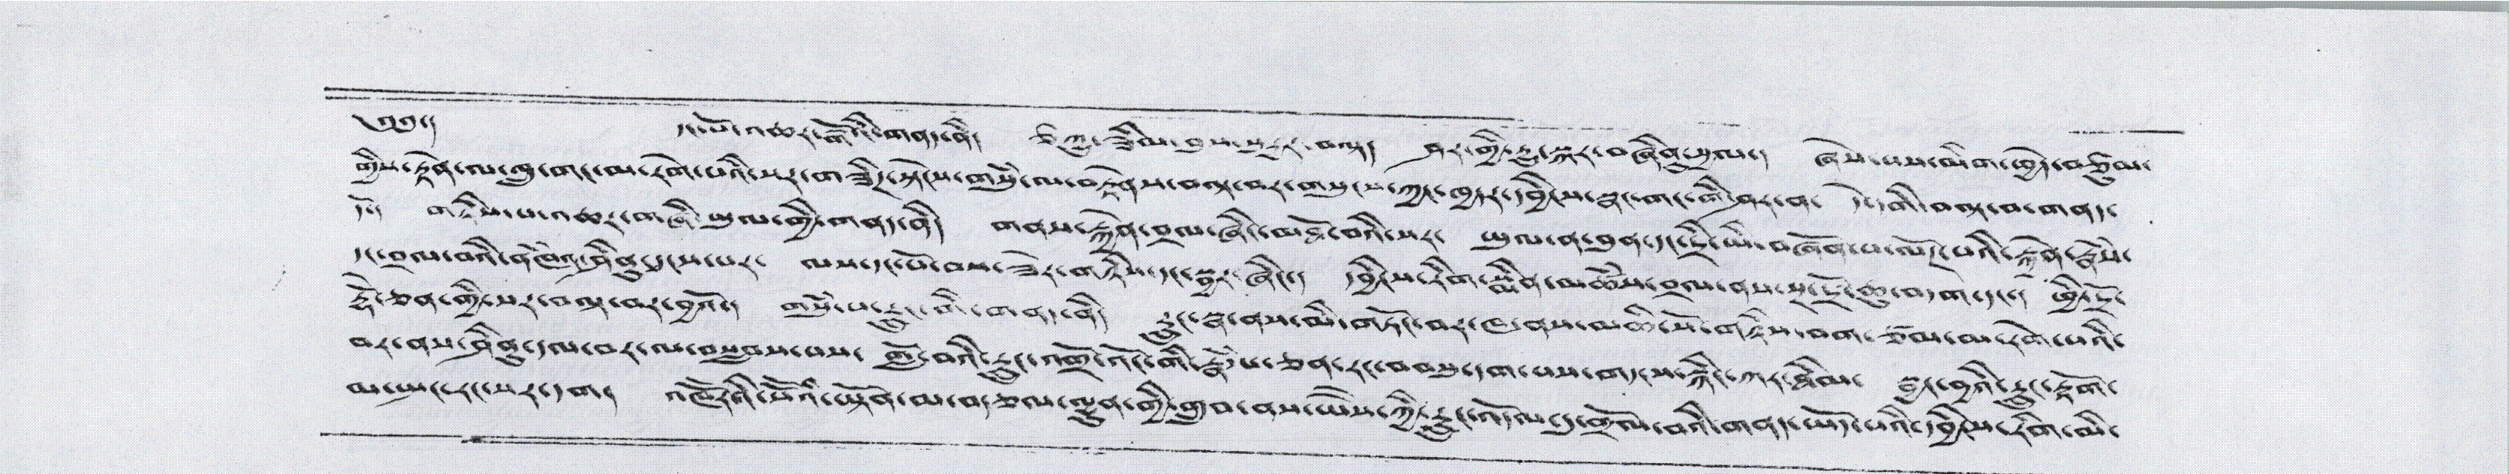དང་པོ་འཆར་སྒོའི་གནད་ནི། ལྕཀྱུ་ཟིལ་བུས་སུརྱར་བལྟ། ཤར་གྱི་རྒྱུ་སྐར་བཞིན་དུ་གསལ། ཞེས་པས་མིག་ཕྱེད་བཙུམ་
གྱིས་རྟེན་ལ་གྲུ་གང་མ་རེག་པའི་སར་གཟིགས་སྟངས་གསུམ་ལ་བརྟེན་ནས་ལྟ་བར་གསུངས་ཀྱང་ཁྱད་པར་དབྱིངས་སྣང་གང་གི་ཤར་ན་དེ་དག་གི་ལྟ་བ་གནད་
དོ། གཉིས་པ་འཆར་གཞི་ཡུལ་གྱི་གནད་ནི། གནས་སྐྱོན་བྲལ་ཞིང་མཐོ་བའི་སར། ཡུལ་ན་བུན་དང་དྲི་ཡི་བཞོན་པ་ལ་སོགས་པའི་རྐྱེན་རྣམས་
དང་བྲལ་བའི་ནམ་མཁའ་ཤིན་ཏུ་དྭངས་པར། ལས་དང་པོ་བས་ཟེར་གཉིས་དང་སྦྱར་ཞིང་། དབྱིངས་རིག་སྨིན་མཚམས་བྲལ་ནས་སྔ་དྲོ་ཆུ་བདག་དང་། ཕྱི་དྲོ་
རྡོ་རྗེ་ཅན་གྱི་སར་བལྟ་བར་བྱའོ། གསུམ་པ་རླུང་གི་གནད་ནི། གསུམ་པ་རླུང་གི་གནད་ནི། རླུང་སྣ་ནས་མི་གཏོང་བར་ཁ་ནས་མཆུ་སོ་གཉིས་བག་ཙམ་མ་རེག་པའི་
བར་ནས་ཤིན་ཏུ་དལ་བར་ལ་བསླབས་པས། གློ་བའི་རླུང་འགྲོ་འོང་གི་རྣམ་པ་ཅན་རང་བབས་སུ་དག་པས་གདངས་སྙིང་གར་ཐིམ། སྦྱང་བྱའི་རླུང་རྟོག་
མ་སྤང་རང་སར་དག འཁོར་ལོ་སོ་སོའི་ཡོན་ཏན་མ་བཙལ་ལྷུན་གྱིས་གྲུབ་ནས་ཡེ་ཤེས་ཀྱི་རླུང་འོད་གསལ་དུ་གྲོལ་བའི་གནད་ཡོད་པའི་དབྱིངས་རིག་མི་